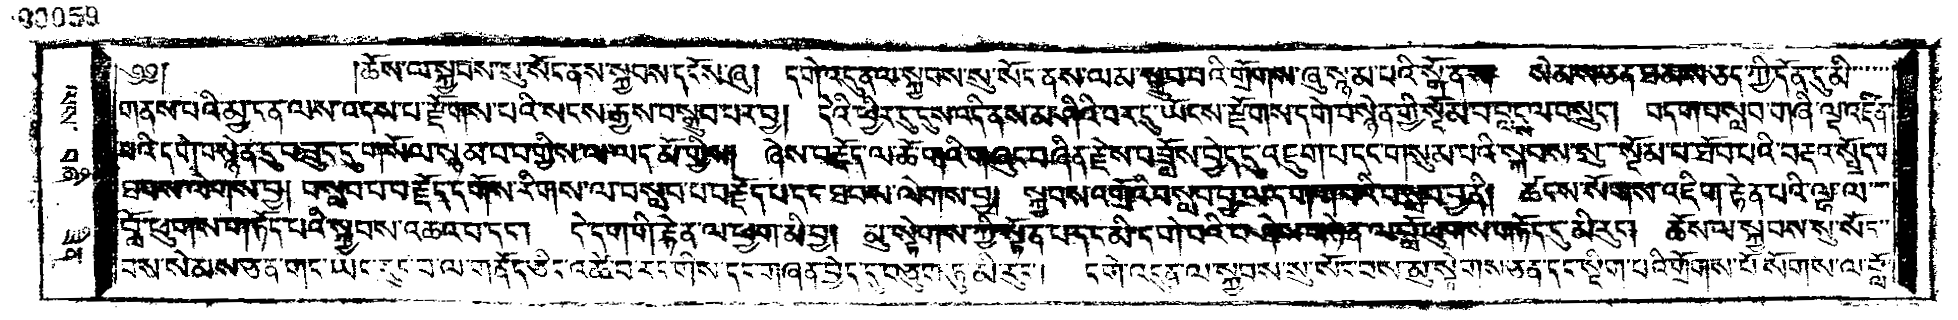༄༅། །ཆོས་ལ་སྐྱབས་སུ་སོང་ནས་སྐྱབས་དངོས་ཞུ། དགེ་འདུན་ལ་སྐྱབས་སུ་སོང་ནས་ལམ་སྒྲུབ་པའི་གྲོགས་ཞུ་སྙམ་པའི་སྒོ་ནས། སེམས་ཅན་ཐམས་ཅད་ཀྱི་དོན་དུ་མི་
གནས་པའི་མྱ་ངན་ལས་འདས་པ་རྫོགས་པའི་སངས་རྒྱས་བསྒྲུབ་པར་བྱ། དེའི་ཕྱིར་དུ་དུས་འདི་ནས་མ་ཤིའི་བར་དུ་ཡོངས་རྫོགས་དགེ་བསྙེན་གྱི་སྡོམ་པ་བླངས་ལ་བསྲུང་། བདག་བསླབ་གཞི་ལྔ་འཛིན་
པའི་དགེ་བསྙེན་དུ་བཟུང་དུ་གསོལ་སྙམ་པ་བགྱིས་ལ་ལད་མོ་གྱིས། ཞེས་བརྗོད་ལ་ཆོ་གའི་གཞུང་བཞིན་རྗེས་བཟློས་བྱེད་དུ་འཇུག་པ་དང་གསུམ་པའི་སྐབས་སུ་སྡོམ་པ་ཐོབ་པའི་བརྡའ་སྤྲོད་པ་
ཐབས་ལེགས་བྱ། བསླབ་པ་བརྗོད་དགོས་རིགས་ལ་བསླབ་པ་བརྗོད་པ་དང་ཐབས་ལེགས་བྱ། སྐྱབས་འགྲོའི་བསླབ་བྱ་ལ་དགག་པའི་བསླབ་བྱ་ནི། ཚངས་སོགས་འཇིག་རྟེན་པའི་ལྷ་ལ་
བློ་ཕུགས་གཏོད་པའི་སྐྱབས་འཆའ་བ་དང་། དེ་དག་གི་རྟེན་ལ་ཕྱག་མི་བྱ། མུ་སྟེགས་ཀྱི་སྟོན་པ་དང་མི་དགེ་བའི་བཤེས་གཉེན་ལ་བློ་ཕུགས་གཏོད་དུ་མི་རུང་། ཆོས་ལ་སྐྱབས་སུ་སོང་
བས་སེམས་ཅན་གང་ཡང་རུང་བ་ལ་གནོད་ཅིང་འཚེ་བ་རང་གིས་དང་གཞན་བྱེད་དུ་བཅུག་ཏུ་མི་རུང་། དགེ་འདུན་ལ་སྐྱབས་སུ་སོང་བས་མུ་སྟེགས་ཅན་དང་སྡིག་པའི་གྲོགས་པོ་སོགས་ལ་བློ་